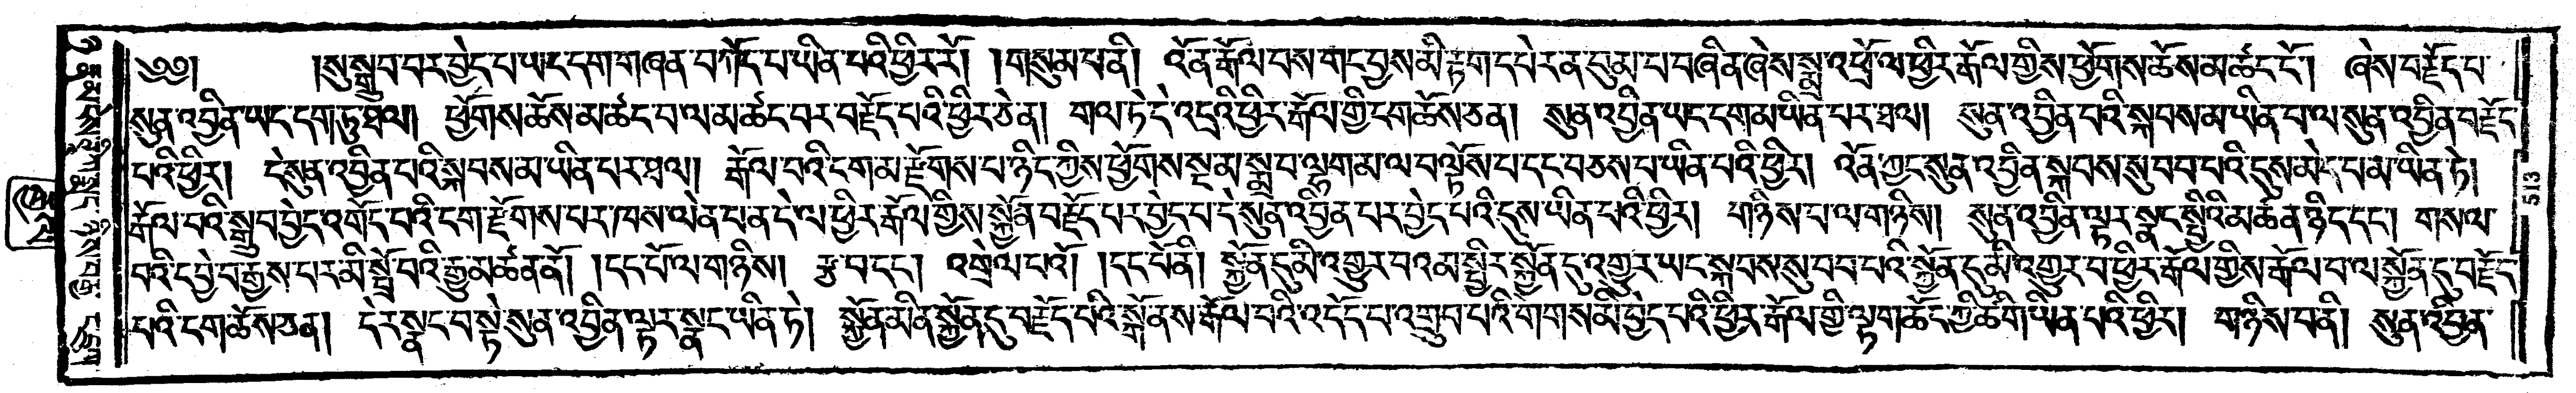༄༅། །སུ་སྒྲུབ་པར་བྱེད་པ་ཡང་དག་གཞན་བཀོད་པ་ཡིན་པའི་ཕྱིར་རོ། །གསུམ་པ་ནི། འོ་ན་རྒོལ་བས་གང་བྱས་མི་རྟག་དཔེར་ན་བུམ་པ་བཞིན་ཞེས་སྨྲ་འཕྲོ་ལ་ཕྱིར་རྒོལ་གྱིས་ཕྱོགས་ཆོས་མ་ཚང་ངོ། ཞེས་བརྗོད་པ་
སུན་འབྱིན་ཡང་དག་ཏུ་ཐལ། ཕྱོགས་ཆོས་མ་ཚང་བ་ལ་མ་ཚང་བར་བརྗོད་པའི་ཕྱིར་ཅེ་ན། གལ་ཏེ་དེ་འདྲའི་ཕྱིར་རྒོལ་གྱི་ངག་ཆོས་ཅན། སུན་འབྱིན་ཡང་དག་མ་ཡིན་པར་ཐལ། སུན་འབྱིན་བའི་སྐབས་མ་ཡིན་པ་ལ་སུན་འབྱིན་བརྗོད་
པའི་ཕྱིར། དེ་སུན་འབྱིན་པའི་སྐབས་མ་ཡིན་པར་ཐལ། རྒོལ་བའི་ངག་མ་རྫོགས་པ་ཉིད་ཀྱིས་ཕྱོགས་སྔ་མ་སྨྲ་བ་ལྷག་མ་ལ་བལྟོས་པ་དང་བཅས་པ་ཡིན་པའི་ཕྱིར། འོན་ཀྱང་སུན་འབྱིན་སྐབས་སུ་བབ་པའི་དུས་མེད་པ་མ་ཡིན་ཏེ།
རྒོལ་བའི་སྒྲུབ་བྱེད་འགོད་བའི་ངག་རྫོགས་པར་ཁས་ལེན་པ་ན་དེ་ལ་ཕྱིར་རྒོལ་གྱིས་སྐྱོན་བརྗོད་པར་བྱེད་པ་དེ་སུན་འབྱིན་པར་བྱེད་པའི་དུས་ཡིན་པའི་ཕྱིར། གཉིས་པ་ལ་གཉིས། སུན་འབྱིན་ལྟར་སྣང་སྤྱིའི་མཚན་ཉིད་དང་། གསལ་
བའི་དབྱེ་བ་རྒྱས་པར་མི་སྤྲོ་བའི་རྒྱུ་མཚན་ནོ། །དང་པོ་ལ་གཉིས། རྩ་བ་དང་། འགྲེལ་པའོ། །དང་པོ་ནི། སྐྱོན་དུ་མི་འགྱུར་བའམ་སྤྱིར་སྐྱོན་དུ་འགྱུར་ཡང་སྐབས་སུ་བབ་པའི་སྐྱོན་དུ་མི་འགྱུར་བ་ཕྱིར་རྒོལ་གྱིས་རྒོལ་བ་ལ་སྐྱོན་དུ་བརྗོད་
པའི་ངག་ཆོས་ཅན། དེར་སྣང་བ་སྟེ་སུན་འབྱིན་ལྟར་སྣང་ཡིན་ཏེ། སྐྱོན་མིན་སྐྱོན་དུ་བརྗོད་པའི་སྒོ་ནས་རྒོལ་བའི་འདོད་པ་འགྲུབ་པའི་གེགས་མི་བྱེད་བའི་ཕྱིར་རྒོལ་གྱི་ལྟག་ཆོད་ཀྱི་ཚིག་ཡིན་པའི་ཕྱིར། གཉིས་པ་ནི། སུན་འབྱིན་